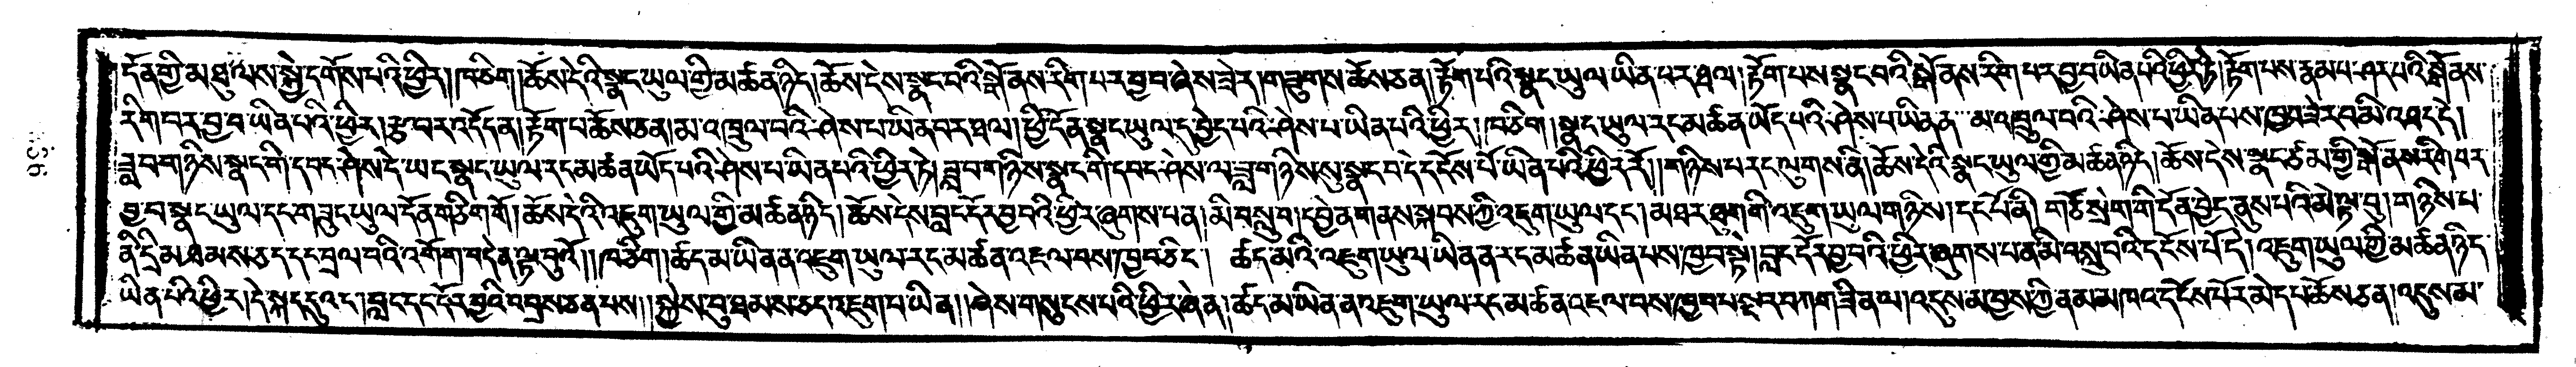དོན་གྱི་མཐུ་ལས་སྐྱེ་དགོས་པའི་ཕྱིར། ཁ་ཅིག །ཆོས་དེའི་སྣང་ཡུལ་གྱི་མཚན་ཉིད། ཆོས་དེས་སྣང་བའི་སྒོ་ནས་རིག་པར་བྱ་བ་ཞེས་ཟེར། གཟུགས་ཆོས་ཅན། རྟོག་པའི་སྣང་ཡུལ་ཡིན་པར་ཐལ། རྟོག་པས་སྣང་བའི་སྒོ་ནས་རིག་པར་བྱ་བ་ཡིན་པའི་ཕྱིར་ཏེ། རྟོག་པས་རྣམ་པ་ཤར་བའི་སྒོ་ནས་
རིག་པར་བྱ་བ་ཡིན་པའི་ཕྱིར། རྩ་བར་འདོད་ན། རྟོག་པ་ཆོས་ཅན། མ་འཁྲུལ་བའི་ཤེས་པ་ཡིན་པར་ཐལ། ཕྱི་དོན་སྣང་ཡུལ་དུ་བྱེད་པའི་ཤེས་པ་ཡིན་པའི་ཕྱིར། ཁ་ཅིག །སྣང་ཡུལ་རང་མཚན་ཡོད་པའི་ཤེས་པ་ཡིན་ན་མ་འཁྲུལ་བའི་ཤེས་པ་ཡིན་པས་ཁྱབ་ཟེར་བ་མི་འཐད་དེ།
ཟླ་བ་གཉིས་སྣང་གི་དབང་ཤེས་དེ་ཡང་སྣང་ཡུལ་རང་མཚན་ཡོད་པའི་ཤེས་པ་ཡིན་པའི་ཕྱིར་ཏེ། ཟླ་བ་གཉིས་སྣང་གི་དབང་ཤེས་ལ་ཟླ་གཉིས་སུ་སྣང་བ་དེ་དངོས་པོ་ཡིན་པའི་ཕྱིར་རོ། །གཉིས་པ་རང་ལུགས་ནི། ཆོས་དེའི་སྣང་ཡུལ་གྱི་མཚན་ཉིད། ཆོས་དེས་སྣང་ཙམ་གྱི་སྒོ་ནས་རིག་པར་
བྱའོ། སྣང་ཡུལ་དང་གཟུང་ཡུལ་དོན་གཅིག་གོ། ཆོས་དེའི་འཇུག་ཡུལ་གྱི་མཚན་ཉིད། ཆོས་དེས་བླང་དོར་བྱ་བའི་ཕྱིར་ཞུགས་པ་ན། མི་བསླུ་བ། དབྱེ་ན་གནས་སྐབས་ཀྱི་འཇུག་ཡུལ་དང་། མཐར་ཐུག་གི་འཇུག་ཡུལ་གཉིས། དང་པོ་ནི། གཙོ་སྲེག་གི་དོན་བྱེད་ནུས་པའི་མེ་ལྟ་བུ། གཉིས་པ་
ནི་དྲི་མ་ཐམས་ཅད་དང་བྲལ་བའི་འགོག་བདེན་ལྟ་བུའོ། །ཁ་ཅིག །ཚད་མ་ཡིན་ན་འཇུག་ཡུལ་རང་མཚན་འཇལ་བས་ཁྱབ་ཅིང་། ཚད་མའི་འཇུག་ཡུལ་ཡིན་ན་རང་མཚན་ཡིན་པས་ཁྱབ་སྟེ། བླང་དོར་བྱ་བའི་ཕྱིར་ཞུགས་པ་ན་མི་བསླུ་བའི་དངོས་པོ་དེ། འཇུག་ཡུལ་གྱི་མཚན་ཉིད་
ཡིན་པའི་ཕྱིར། དེ་སྐད་དུའང་། བླང་དང་དོར་བྱའི་འབྲས་ཅན་པས། །སྐྱེས་བུ་ཐམས་ཅད་འཇུག་པ་ཡིན། །ཞེས་གསུངས་པའི་ཕྱིར་ཞེ་ན། ཚད་མ་ཡིན་ན་འཇུག་ཡུལ་རང་མཚན་འཇལ་བས་ཁྱབ་པ་སྔར་བཀག་ཟིན་ལ། འདུས་མ་བྱས་ཀྱི་ནམ་མཁའ་དངོས་པོར་མེད་པ་ཆོས་ཅན། འདུས་མ་